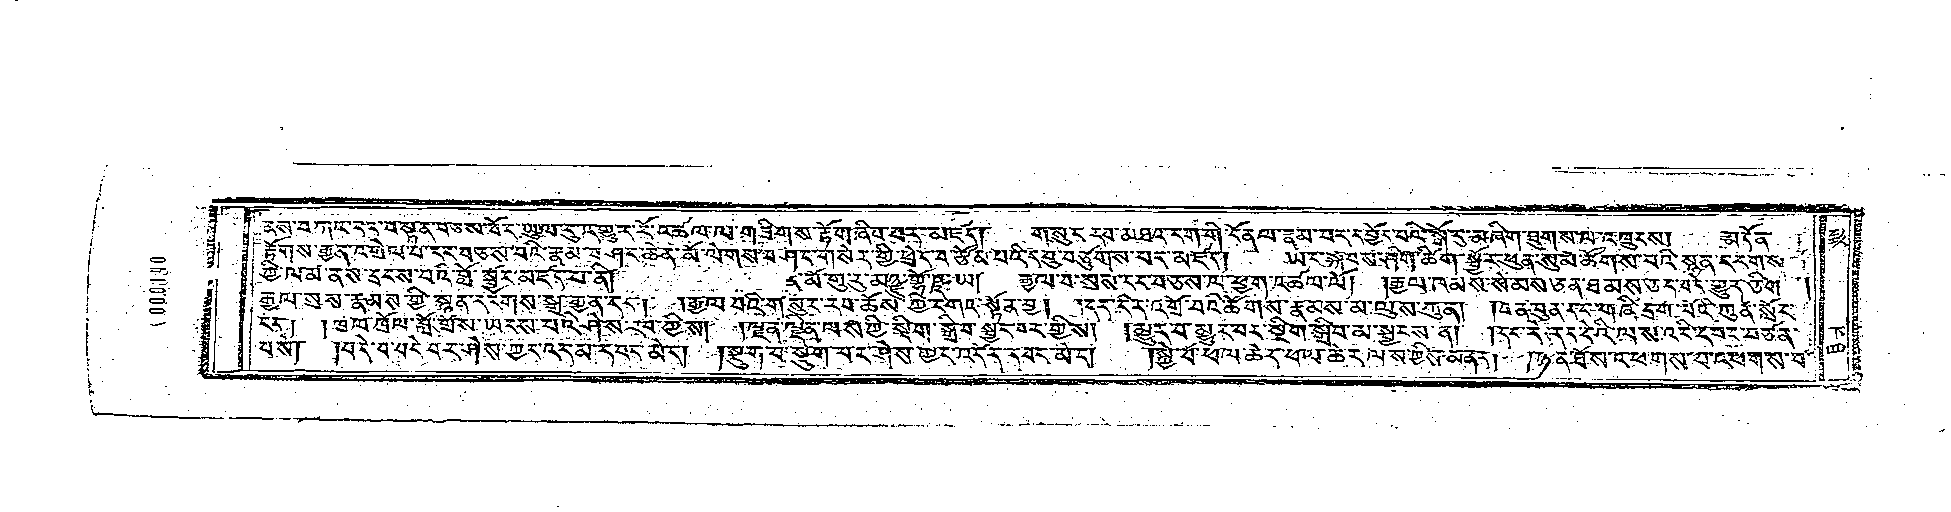ནས་བཀའ་དང་བསྟན་བཅས་བོད་ཡུལ་དུ་འགྱུར་རོ་འཚལ་ལ་གཟིགས་རྟོག་ཞིབ་བར་མཛད། གསུང་རབ་མཐའ་དག་གི་དོན་ལ་རྣམ་པར་དབྱོད་བའི་སྒོ་དུ་མ་ཞིག་ཐུགས་ལ་འཁྲུངས། མདོན་
རྟོགས་རྒྱན་འགྲེལ་པ་དང་བཅས་བའི་རྣམ་བཤད་ཆེན་མོ་ལེགས་བཤད་གསེར་གྱི་ཕྲེང་བ་རྩོམ་པའི་དབུ་བཙུགས་པར་མཛད། ཡང་སྐབས་ཤིག་ཚིག་སྦྱོར་ཕུན་སུམ་ཚོགས་པའི་སྙན་དངགས་
ཀྱི་ལམ་ནས་དྲངས་བའི་བློ་སྦྱོང་མཛད་པ་ནི། ན་མོ་གུ་རུ་མཉྫུ་གྷོ་ཥཱ་ཡ། རྒྱལ་བ་སྲས་དང་བཅས་ལ་ཕྱག་འཚལ་ལོ། །རྒྱལ་ཁམས་སེམས་ཅན་ཐམས་ཅད་བདེ་གྱུར་ཅིག །
རྒྱལ་སྲས་རྣམས་གྱི་སྙན་དངགས་སྒྲ་རྒྱན་དང་། །རྒྱལ་བའི་གསུང་རབ་ཆོས་ཀྱི་དགའ་སྟོན་བྱ། །དར་ངར་འགྲོ་བའི་ཚོགས་རྣམས་མ་ལུས་ཀུན། །བན་བུན་དང་གཞི་དྲག་པོའི་ཀུན་སློང་
དང་། །ཁྲལ་ཁྲོལ་བློ་གྲོས་ཡངས་པའི་ཤེས་རབ་ཀྱིས། །ལྡན་ལྗིན་ལས་ཀྱི་སྡིག་སྒྲིབ་སྦྱང་བར་གྱིས། །མྱུར་བ་མྱུར་བར་སྡིག་སྒྲིབ་མ་སྦྱངས་ན། །དང་རེ་རང་རེའི་ལས་འདི་དབང་བཙན་
པས། །བདེ་བ་བདེ་བར་ཤེས་ཀྱང་འདམ་དབང་མེད། །སྡུག་བ་སྡུག་པར་ཤེས་ཀྱང་འདོར་དབང་མེད། །སྐྱེ་བོ་ཕལ་ཆེར་ཕལ་ཆེར་ལས་ཀྱིས་མནར། །ཉན་ཐོས་འཕགས་བ་འཕགས་བ་